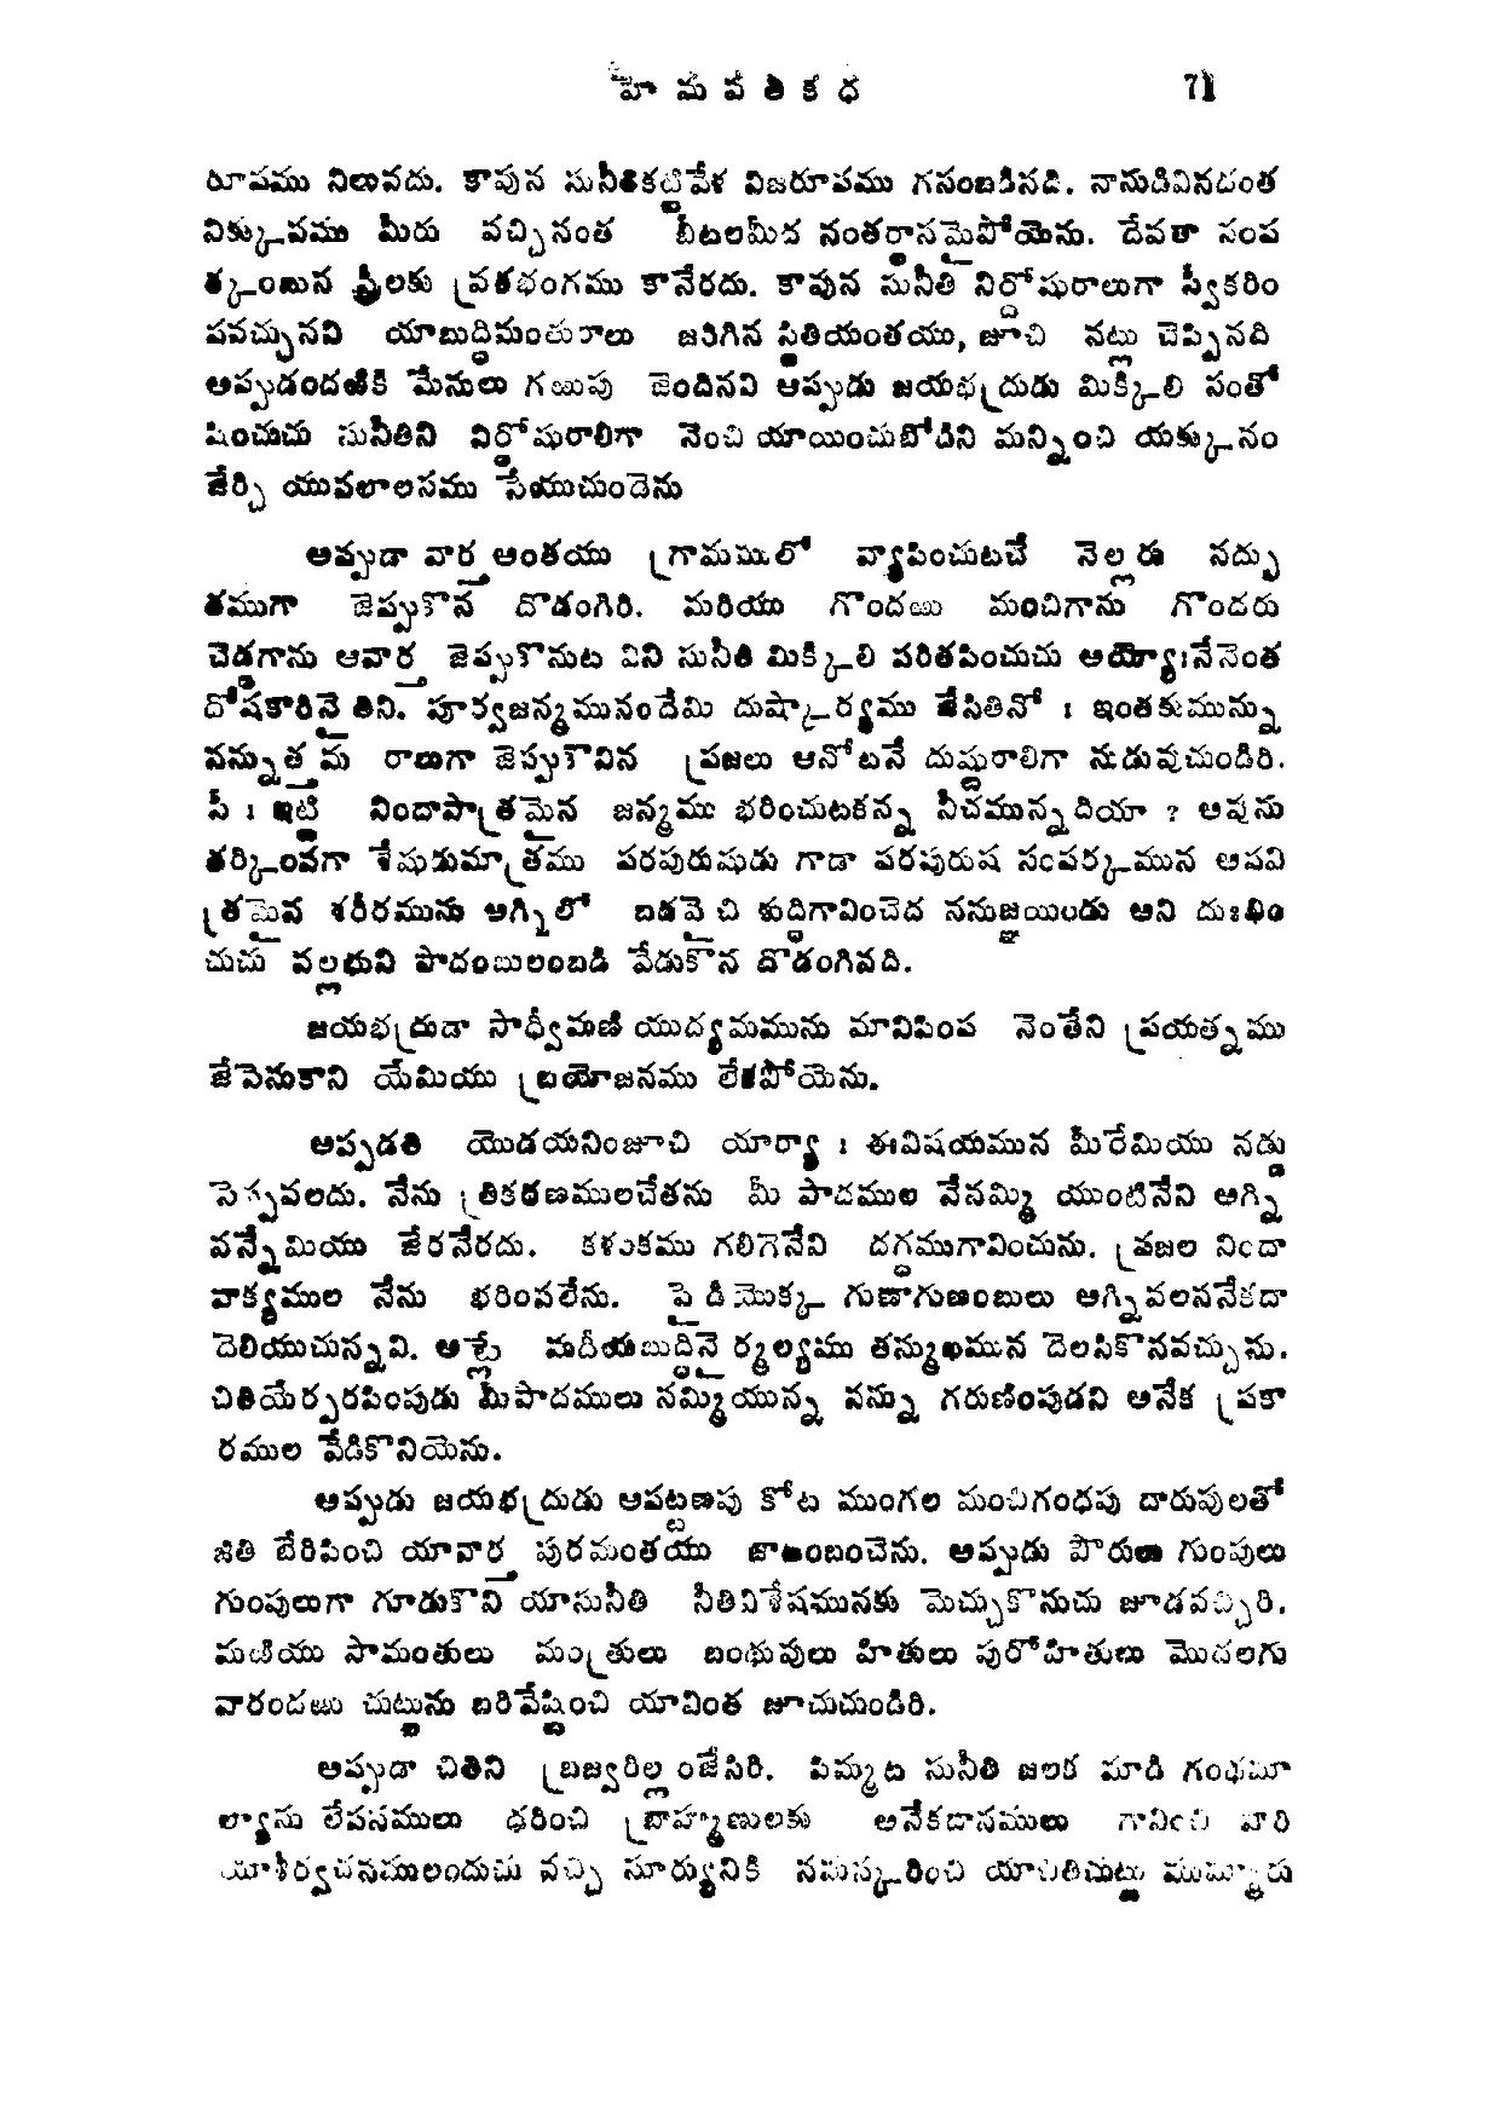రూపము నిలువదు. కావున సునీతి కట్టివేళ నిజరూపము గనంబడినది. నానుడివినదంత నిక్కువము మీరు వచ్చినంత బీటలమీద నంతర్ధానమైపోయెను. దేవతాసంపర్కంబున స్త్రీలకు ప్రతభంగము కానేరదు. కావున సునీతి నిర్దోషురాలుగా స్వీకరింపవచ్చునని యాబుద్ధిమంతురాలు జరిగిన స్థితియంతయు, జూచి నట్లు చెప్పినది. అప్పుడందఱికి మేనులు గఱుపు జెందినవి అప్పుడు జయభద్రుడు మిక్కిలి సంతోషించుచు సునీతిని నిర్దోషురాలిగా నెంచి యాయించుబోడిని మన్నించి యక్కునం జేర్చి యుపలాలనము సేయుచుండెను.

అప్పుడా వార్త అంతయు గ్రామములో వ్యాపించుటచే నెల్లరు నద్బుతముగా జెప్పుకొన దొడంగిరి. మరియు గొందఱు మంచిగాను గొందరు చెడ్డగాను ఆవార్త జెప్పుకొనుట విని సునీతి మిక్కిలి పరితపించుచు అయ్యో! నేనెంత దోషకారినైతిని. పూర్వజన్మమునందేమి దుష్కార్యము జేసితినో! ఇంతకుమున్ను నన్నుత్తమరాలుగా జెప్పుకొనిన ప్రజలు ఆనోటనే దుష్టురాలిగా నుడువుచుండిరి. సీ! ఇట్టి నిందాపాత్రమైన జన్మము భరించుటకన్న నీచమున్నదియా? అవును తర్కింపగా శేషుడుమాత్రము పరపురుషుడు గాడా పరపురుషసంపర్కమున అపవిత్రమైన శరీరమును అగ్నిలో బడవైచి శుద్దిగావించెద ననుజ్ఞయిండు అని దుఃఖించుచు వల్లభుని పాదంబులంబడి వేడుకొనదొడంగినది.

జయభద్రు డాసాధ్వీమణి యుద్యమమును మానిపింప నెంతేని ప్రయత్నము జేసెను కాని యేమియు బ్రయోజనము లేకపోయెను.

అప్పడతి యొడయనింజూచి యార్యా! ఈవిషయమున మీరేమియు నడ్డు సెప్పవలదు. నేను త్రికరణములచేతను మీ పాదములనే నమ్మియుంటినేని అగ్ని నన్నేమియు జేరనేరదు. కళంకము గలిగెనేవి దగ్ధము గావించును. ప్రజల నిందావాక్యముల నేను భరింపలేను. పైడియొక్క గుణాగుణంబులు అగ్నివలననేకదా దెలియుచున్నవి. అట్లే మదీయబుద్ధినైర్మల్యము తన్ముఖమున దెలసికొనవచ్చును. చితి యేర్పరపింపుడు మీపాదములు నమ్మియున్న నన్ను గరుణింపుడని అనేక ప్రకారముల వేడికొనియెను.

అప్పుడు జయభద్రుడు ఆపట్టణపుకోట ముంగల మంచిగంధపుదారువులతో జితి బేరిపించి యావార్త పురమంతయు జాటంబంచెను. అప్పుడు పౌరులు గుంపులు గుంపులుగా గూడుకొని యాసునీతి నీతివిశేషమునకు మెచ్చుకొనుచు జూడవచ్చిరి. మఱియు సామంతులు మంత్రులు బంధువులు హితులు పురోహితులు మొదలగు వారందఱు చుట్టును బరివేష్టించి యావింత జూచుచుండిరి.

అప్పుడా చితిని బ్రజ్వరిల్లంజేసిరి. పిమ్మట సునీతి జలక మాడి గంధమాల్యానులేపనములు ధరించి బ్రాహ్మణులకు అనేకదానములు గావించి వారి యాశీర్వచనములందుచు వచ్చి సూర్యునికి నమస్కరించి యాచితిచుట్టు ముమ్మారు